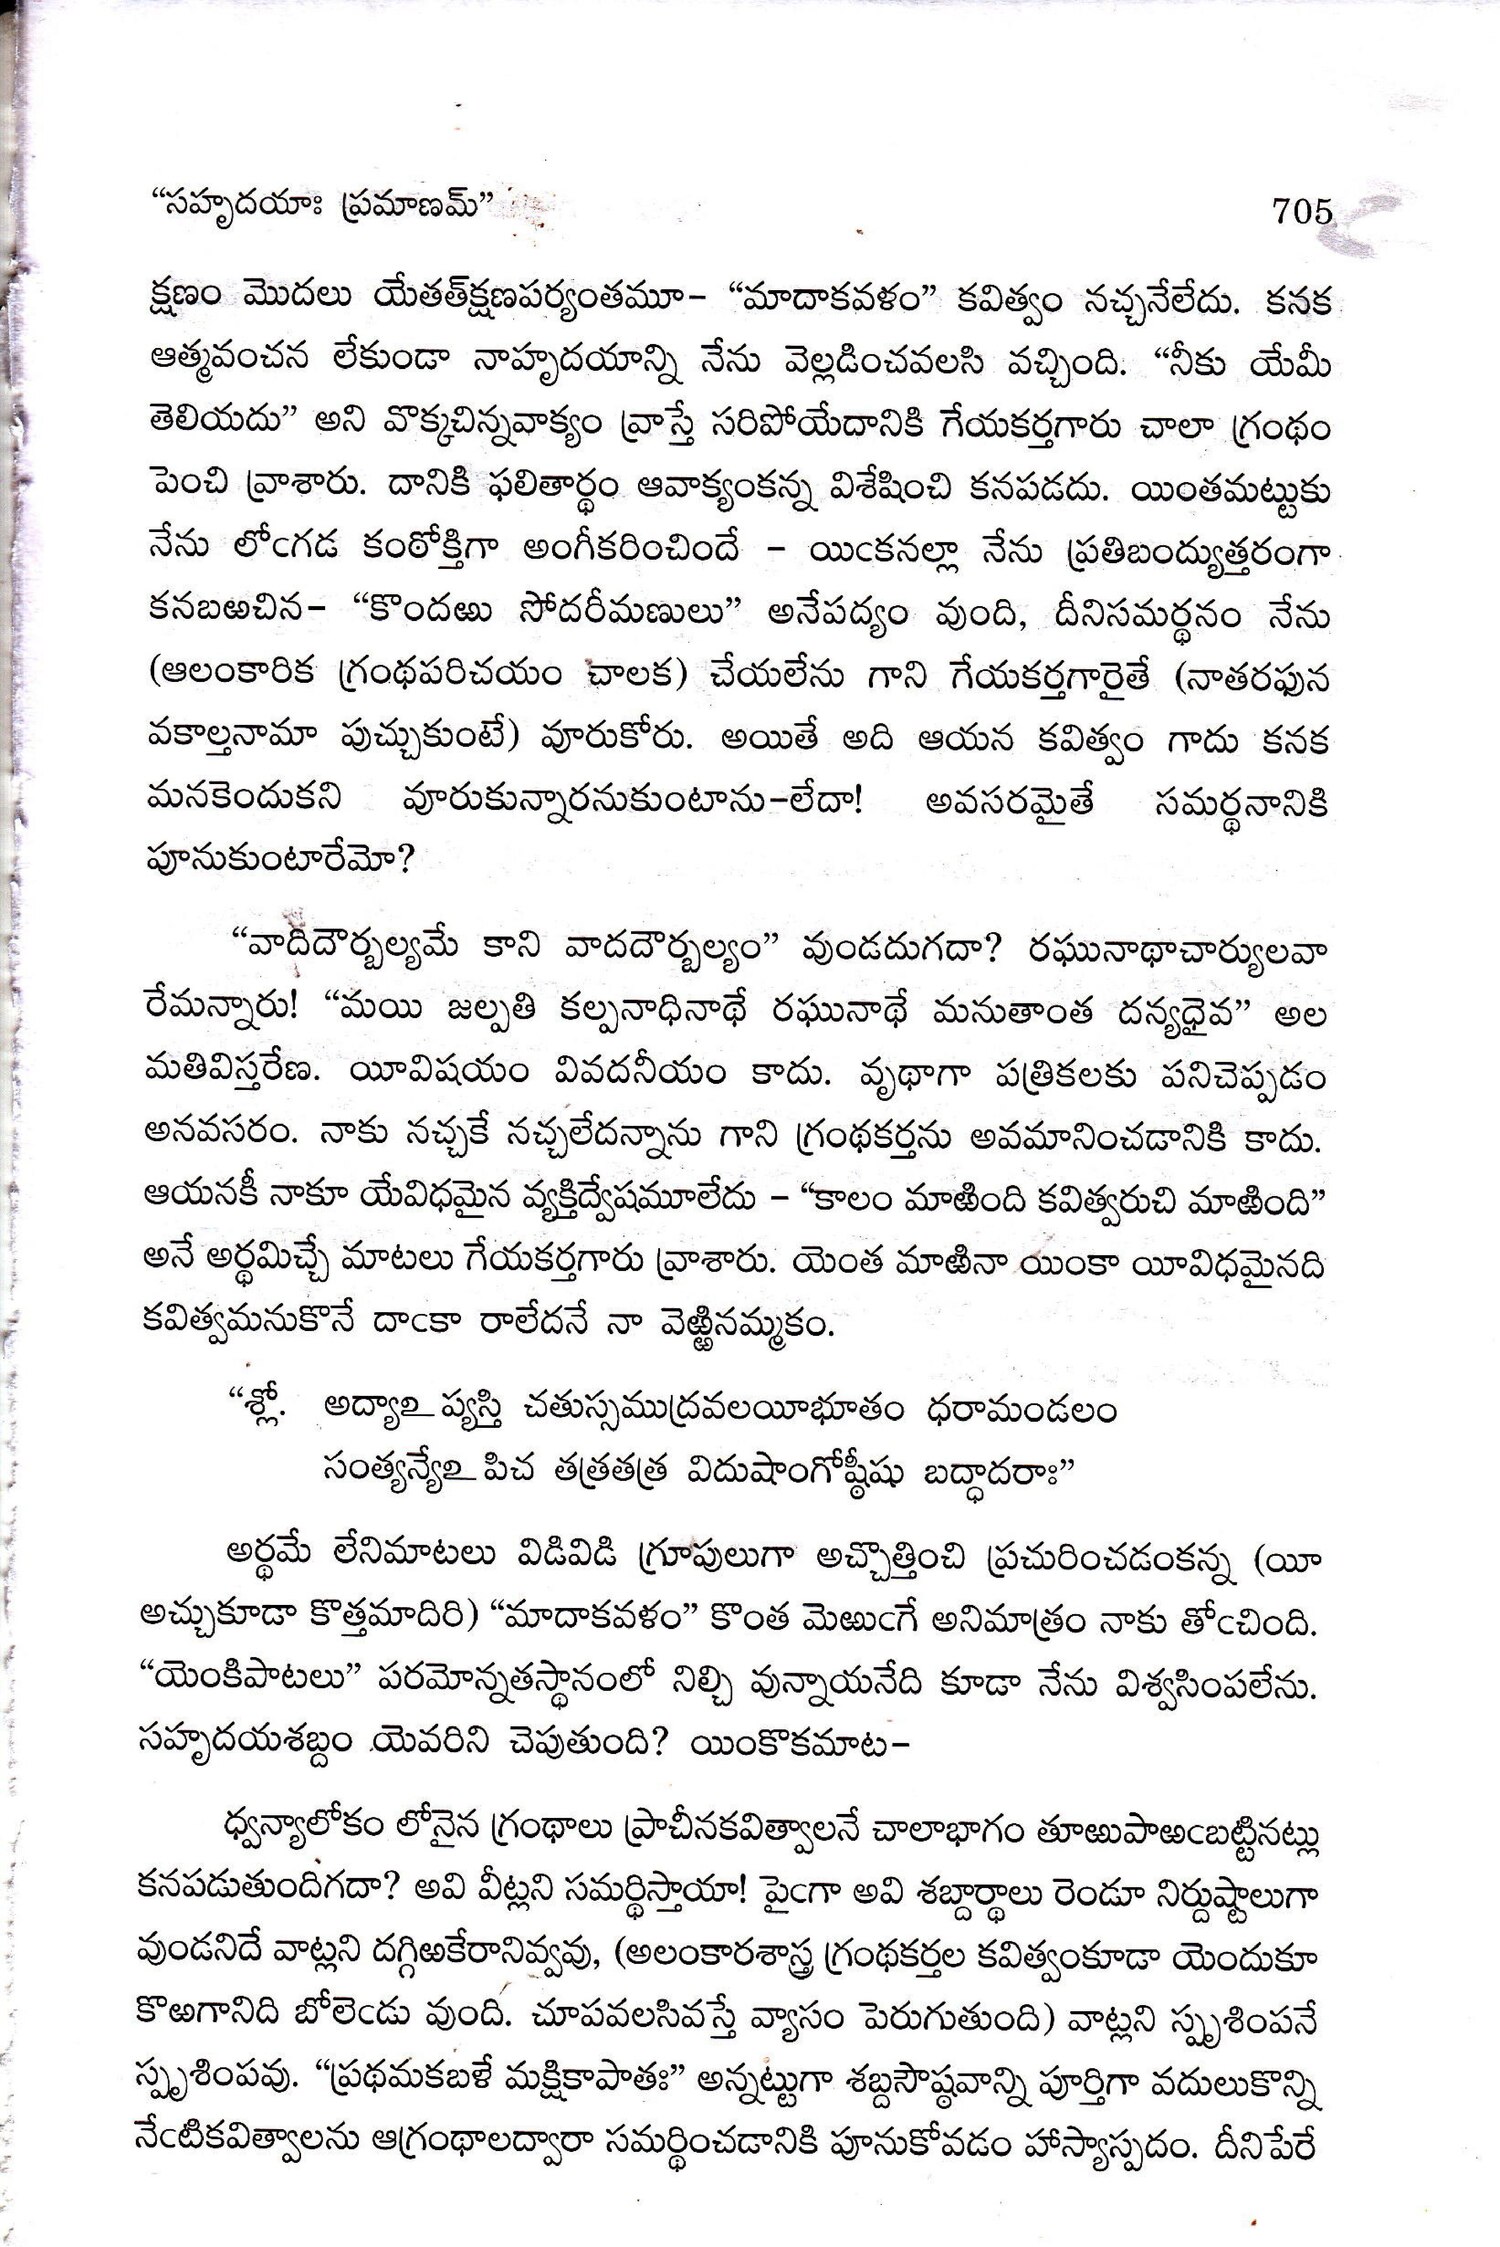క్షణం మొదలు యేతత్క్షణపర్యంతమూ - “మాదాకవళం" కవిత్వం నచ్చనేలేదు. కనక ఆత్మవంచన లేకుండా నాహృదయాన్ని నేను వెల్లడించవలసి వచ్చింది. “నీకు యేమీ తెలియదు” అని వొక్కచిన్నవాక్యం వ్రాస్తే సరిపోయేదానికి గేయకర్తగారు చాలా గ్రంథం పెంచి వ్రాశారు. దానికి ఫలితార్థం ఆవాక్యంకన్న విశేషించి కనపడదు. యింతమట్టుకు నేను లోఁగడ కంఠోక్తిగా అంగీకరించిందే - యిఁకనల్లా నేను ప్రతిబంద్యుత్తరంగా కనబఱచిన- “కొందఱు సోదరీమణులు” అనేపద్యం వుంది, దీనిసమర్ధనం నేను (ఆలంకారిక గ్రంథపరిచయం చాలక) చేయలేను గాని గేయకర్తగారైతే (నాతరఫున వకాల్తనామా పుచ్చుకుంటే) వూరుకోరు. అయితే అది ఆయన కవిత్వం గాదు కనక మనకెందుకని వూరుకున్నారనుకుంటాను-లేదా! అవసరమైతే సమర్ధనానికి పూనుకుంటారేమో?

"వాదీదౌర్బల్యమే కాని వాదదౌర్బల్యం” వుండదుగదా? రఘునాథాచార్యులవా రేమన్నారు! “మయి జల్పతి కల్పనాధినాథే రఘునాథే మనుతాంత దన్యదైవ” అల మతివిస్తరేణ. యీవిషయం వివదనీయం కాదు. వృథాగా పత్రికలకు పనిచెప్పడం అనవసరం. నాకు నచ్చకే నచ్చలేదన్నాను గాని గ్రంథకర్తను అవమానించడానికి కాదు. : ఆయనకీ నాకూ యేవిధమైన వ్యక్తిద్వేషమూలేదు — “కాలం మాఱింది కవిత్వరుచి మాఱింది" అనే అర్థమిచ్చే మాటలు గేయకర్తగారు వ్రాశారు. యెంత మాఱినా యింకా యీవిధమైనది కవిత్వమనుకొనే దాఁకా రాలేదనే నా వెఱ్ఱినమ్మకం.

"శ్లో. అద్యా౽ ప్యస్తి చతుస్సముద్రవలయీభూతం ధరామండలం
 సంత్యన్యే౽పిచ తత్రతత్ర విదుషాంగోష్ఠీషు బద్ధాదరాః"
అర్థమే లేనిమాటలు విడివిడి గ్రూపులుగా అచ్చొత్తించి ప్రచురించడంకన్న (యీ అచ్చుకూడా కొత్తమాదిరి) “మాదాకవళం" కొంత మెఱుఁగే అనిమాత్రం నాకు తోఁచింది. "యెంకిపాటలు" పరమోన్నతస్థానంలో నిల్చి వున్నాయనేది కూడా నేను విశ్వసింపలేను. సహృదయశబ్దం యెవరిని చెపుతుంది? యింకొకమాట-

ధ్వన్యాలోకం లోనైన గ్రంథాలు ప్రాచీనకవిత్వాలనే చాలాభాగం తూఱుపాఱఁబట్టినట్లు కనపడుతుందిగదా? అవి వీట్లని సమర్థిస్తాయా! పైఁగా అవి శబ్దార్థాలు రెండూ నిర్దుష్టాలుగా వుండనిదే వాట్లని దగ్గిఱకేరానివ్వవు, (అలంకారశాస్త్ర గ్రంథకర్తల కవిత్వంకూడా యెందుకూ కొఱగానిది బోలెఁడు వుంది. చూపవలసివస్తే వ్యాసం పెరుగుతుంది) వాట్లని స్పృశింపనే స్పృశింపవు. “ప్రథమకబళే మక్షికాపాతః" అన్నట్టుగా శబ్దసౌష్ఠవాన్ని పూర్తిగా వదులుకొన్ని నేఁటికవిత్వాలను ఆగ్రంథాలద్వారా సమర్థించడానికి పూనుకోవడం హాస్యాస్పదం. దీని పేరే